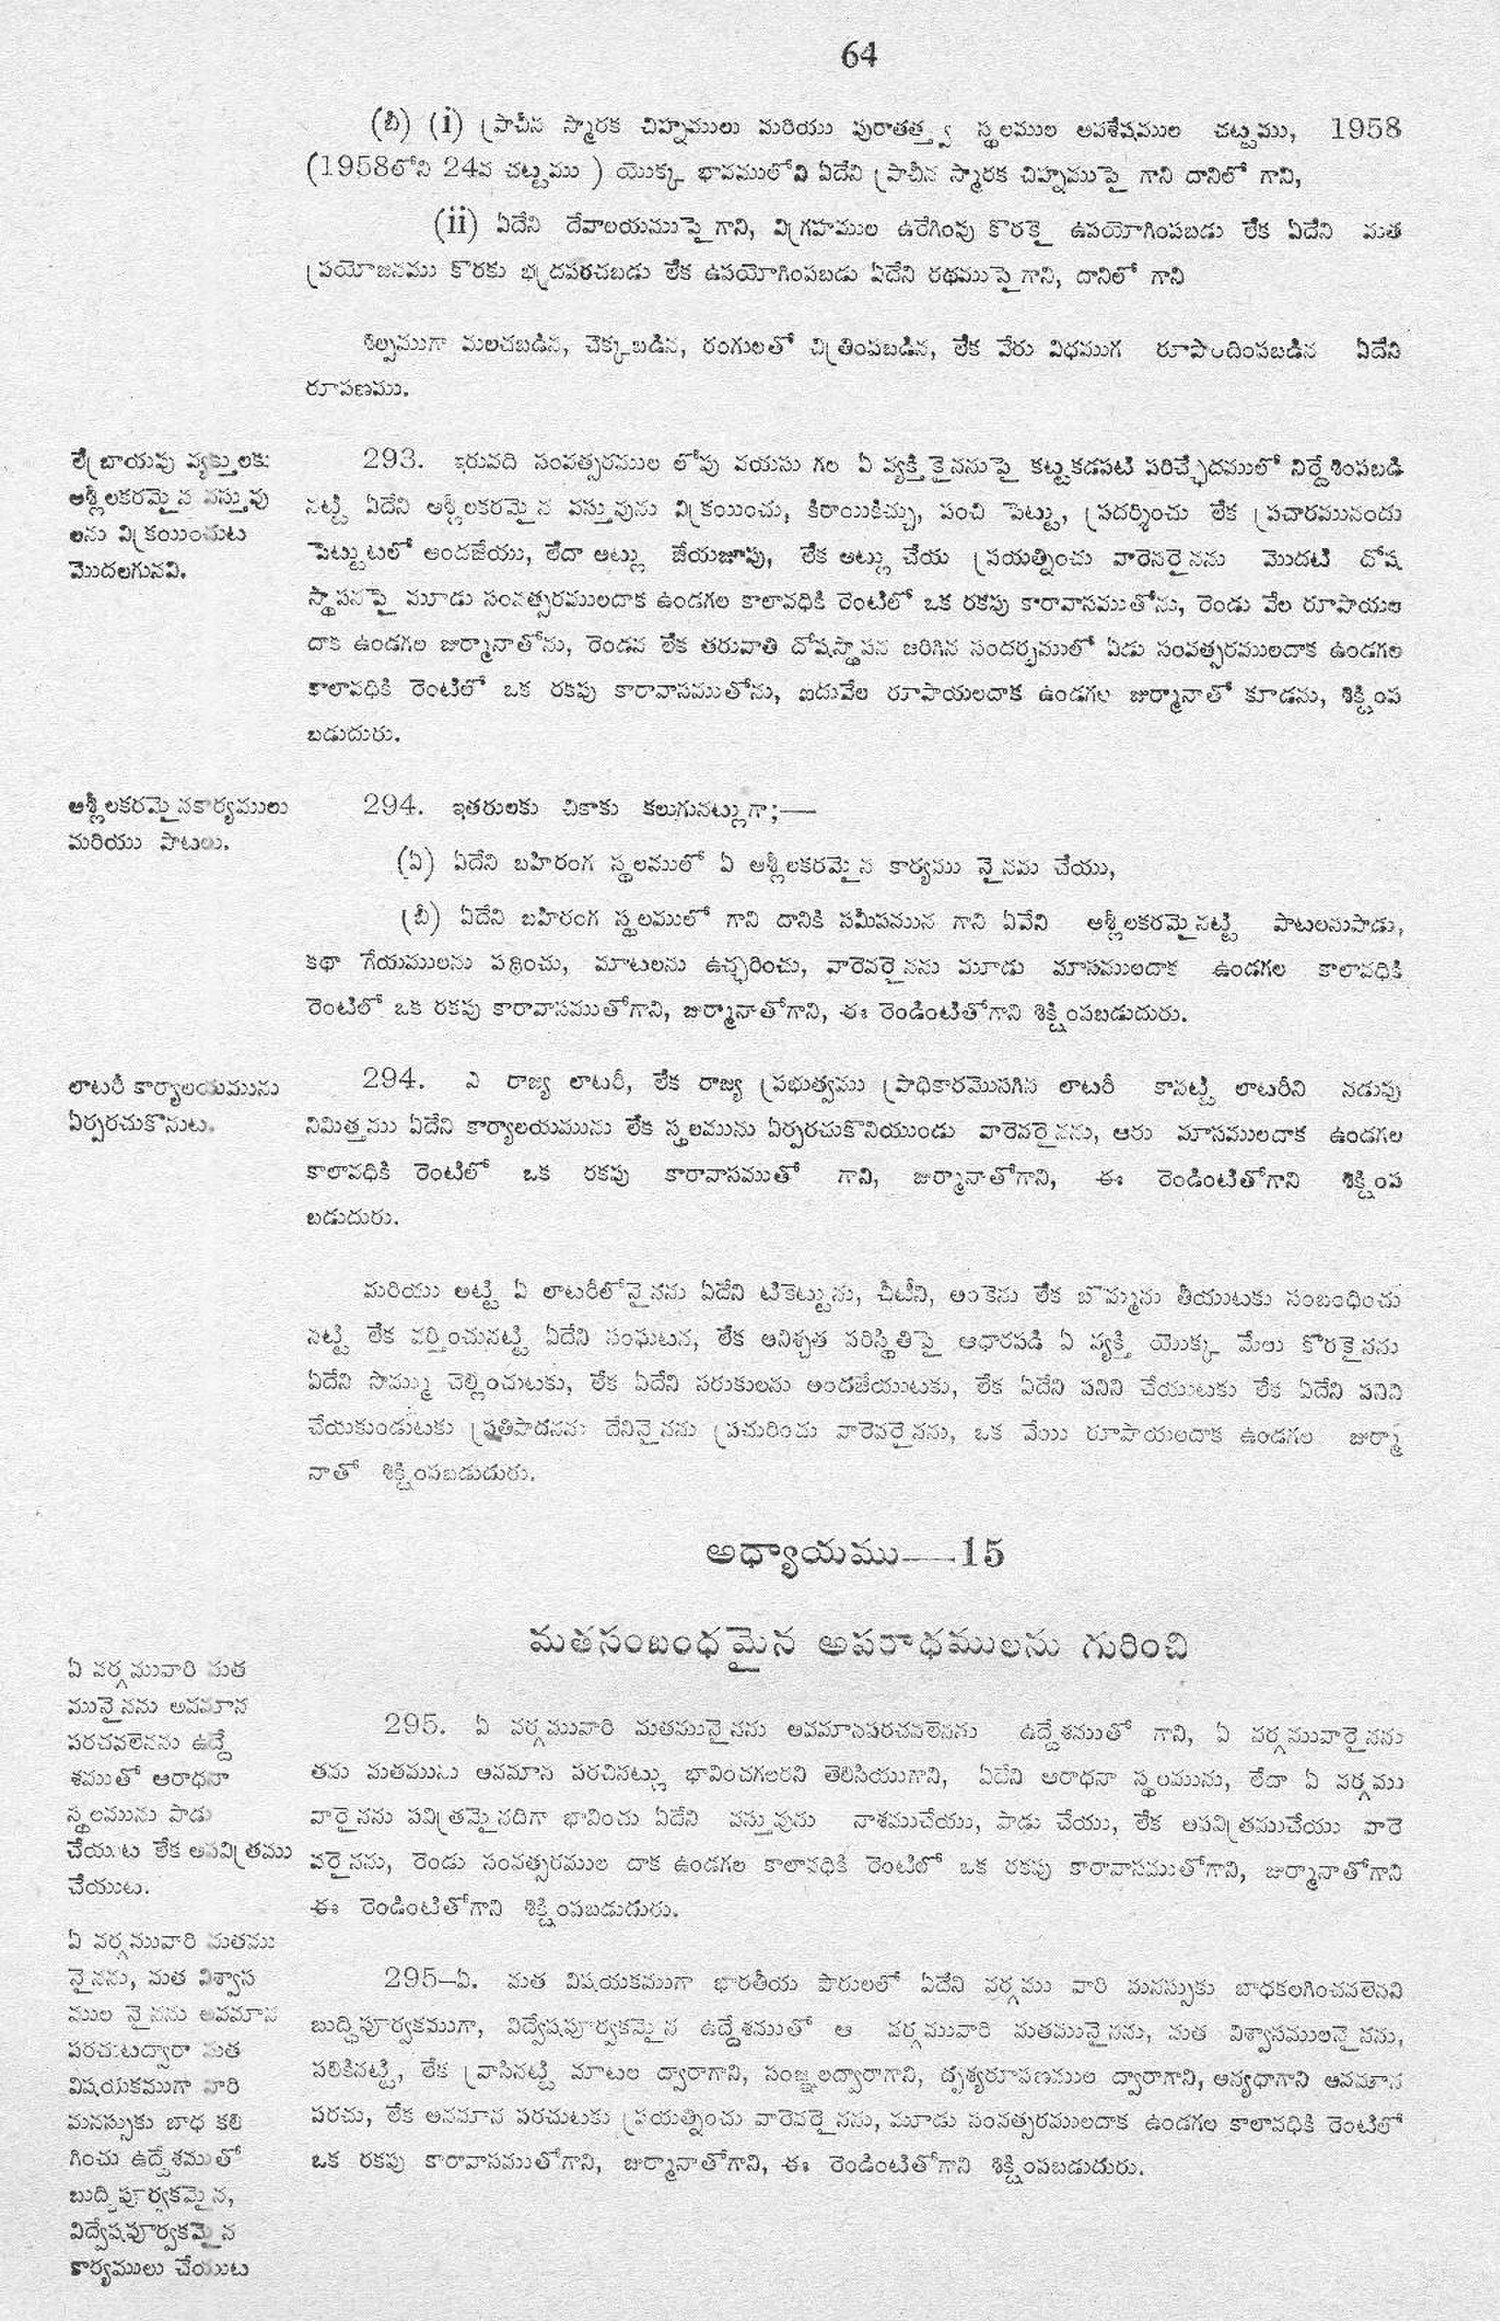(బి) (i) ప్రాచీన స్మారక చిహ్నములు మరియు పురాతత్త్వ స్థలముల అవశేషముల చట్టము, 1958 (1958లోని 24వ చట్టము ) యొక్క భావములోని ఏదేని ప్రాచీన స్మారక చిహ్నము పై గాని దానిలో గాని,

(ii) ఏదేని దేవాలయము పై గాని, విగ్రహముల ఉరేగింపు కొరకై ఉపయోగింపబడు లేక ఏదేని మత ప్రయోజనము కొరకు భద్రపరచబడు లేక ఉపయోగింపబడు ఏదేని రథము పై గాని, దానిలో గాని

శిల్పముగా మలచబడిన, చెక్కబడిన, రంగులతో చిత్రింపబడిన, లేక వేరు విధముగ రూపొందింపబడిన ఏదేని రూపణము.

లేబ్రాయపు వ్యక్తులకు అశ్లీలకరమైన వస్తువులను విక్రయించుట మొదలగునవి.

293. ఇరువది సంవత్సరముల లోపు వయసు గల ఏ వ్యక్తి కై నసు పై కట్ట కడపటి పరిచ్ఛేదములో నిర్దేశింపబడి నట్టి ఏదేని అశ్లీ లకరమైన వస్తువును విక్రయించు, కిరాయికిచ్చు, పంచి పెట్టు, ప్రదర్శించు లేక ప్రచారమునందు పెట్టుటలో అందజేయు, లేదా ఆట్లు జేయజూపు, లేక అట్లు చేయ ప్రయత్నించు వారేవరైనను మొదటి దోష స్థాపన పై మూడు సంవత్సరములదాక ఉండగల కాలావధికి రెంటిలో ఒక రకపు కారావాసముతోను, రెండు వేల రూపాయల దాక ఉండగల జుర్మానా తోను, రెండవ లేక తరువాతి దోషస్థాపన జరిగిన సందర్భములో ఏడు సంవత్సరములదాక ఉండగల కాలావధికి రెంటిలో ఒక రకపు కారావాసముతోను, ఐదు వేల రూపాయలదాక ఉండగల జుర్మానాతో కూడను, శిక్షింపబడుదురు.

అశ్లీ లకరమై నకార్యములు మరియు పాటలు, 

294. ఇతరులకు చికాకు కలుగునట్లుగా –

(ఏ) ఏదేని బహిరంగ స్థలములో ఏ అశ్లీ లకరమై న కార్యము నై నను చేయు,

(బీ) ఏదేని బహిరంగ స్థలములో గాని దానికి సమీపమున గాని ఏవేని అశ్లీ లకరమైనట్టి పాటలనుపాడు, కథా గేయములను పఠించు, మాటలను ఉచ్చరించు, వారెవరైనను మూడు మాసములదాక ఉండగల కాలావధికి రెంటిలో ఒక రకపు కారావాసముతో గాని, జుర్మానాతోగాని, ఈ రెండింటితో గాని శిక్షింపబడుదురు.

లాటరీ కార్యాలయమును ఏర్పరచుకొనుట,

294. ఎ రాజ్య లాటరీ, లేక రాజ్య ప్రభుత్వము ప్రాధికారమొసగిన లాటరీ కానట్టి లాటరీని నడుపు నిమిత్తము ఏదేని కార్యాలయమును లేక స్థలమును ఏర్పరచుకొనియుండు వారెవరైనను, ఆరు మాసములదాక ఉండగల కాలావధికి రెంటిలో రకపు కారావాసముతో గాని, జుర్మానాతోగాని, ఈ రెండింటితోగాని శిక్షింపబడుదురు.

మరియు అట్టి ఏ లాటరీలో నై నను ఏదేని టికెట్టును, చీటీని, అంకెను లేక బొమ్మను తీయుటకు సంబంధించు నట్టి లేక వర్తించునట్టి ఏదేని సంఘటన, లేక ఆనిశ్చత పరిస్థితిపై ఆధారపడి ఏ వ్యక్తి యొక్క మేలు కొరకైనను ఏదేని సొమ్ము చెల్లించుటకు, లేక ఏదేని సరుకులను అందజేయుటకు, లేక ఏదేని పనిని చేయుటకు లేక ఏదేని పనిని చేయకుండుటకు ప్రతిపాదనను దేనినైనను ప్రచురించు వారెవరై సను, ఒక రూపాయలదాక ఉండగల జుర్మానాతో శిక్షింపబడుదురు.

 

ఏ వర్గమువారి మతమునైనను అవమాన పరచవలెనను ఉద్దేశముతో ఆరాధనా స్థలమును పాడు చేయుట లేక అపవిత్రము చేయుట

295. ఏ వర్గమువారి మతమునై నను అవమానపరచనలెనను ఉద్దేశముతో గాని, ఏ వర్గమువారైనను తమ మతమును అవమాన పరచినట్లు భావించగలరని తెలిసియుగాని, ఏదేని ఆరాధనా స్థలమును, లేదా ఏ వర్గము వారైనను పవిత్రమైనదిగా భావించు ఏదేని వస్తువును నాశముచేయు, పాడు చేయు, లేక అపవిత్రముచేయు వారెవరై నను, రెండు సంవత్సరముల దాక ఉండగల కాలావధికి రెంటిలో ఒక రకపు కారావాసము తో గాని, జుర్మానాతో గాని ఈ రెండింటితో గాని శిక్టింపబడుదురు.

ఏ వర్గమువారి మతమునైనను, మత విశ్వాసముల నైనను అవమానపరచుట ద్వారా మత విషయకముగా వారి మనస్సుకు బాధ కలిగించు ఉద్దే శముతో బుద్ది పూర్వకమైన, విద్వేష పూర్వకమైన కార్యములు చేయుట

295-ఏ. మత విషయకముగా భారతీయ పౌరులలో ఏదేని వర్గము వారి మనస్సుకు బాధ కలగించవలెనని బుద్ధిపూర్వకముగా, విద్వేషపూర్వకమైన ఉద్దేశముతో ఆ వర్గమువారి మతమునైనను, మత విశ్వాసములనైనను, పలికినట్టి, లేక వ్రాసినట్టి మాటల ద్వారాగాని, సంజ్ఞ లద్వారా గాని, దృశ్యరూపణముల ద్వారా గాని, అన్యధాగాని అవమానపరచు, లేక అవమాన పరచుటకు ప్రయత్నించు వారెవరైనను, మూడు సంవత్సరములదాక ఉండగల కాలావధికి రెంటిలో ఒక రకపు కారావాసముతో గాని, జుర్మానా తోగాని, ఈ రెండింటితో గాని శిక్షింపబడుదురు.